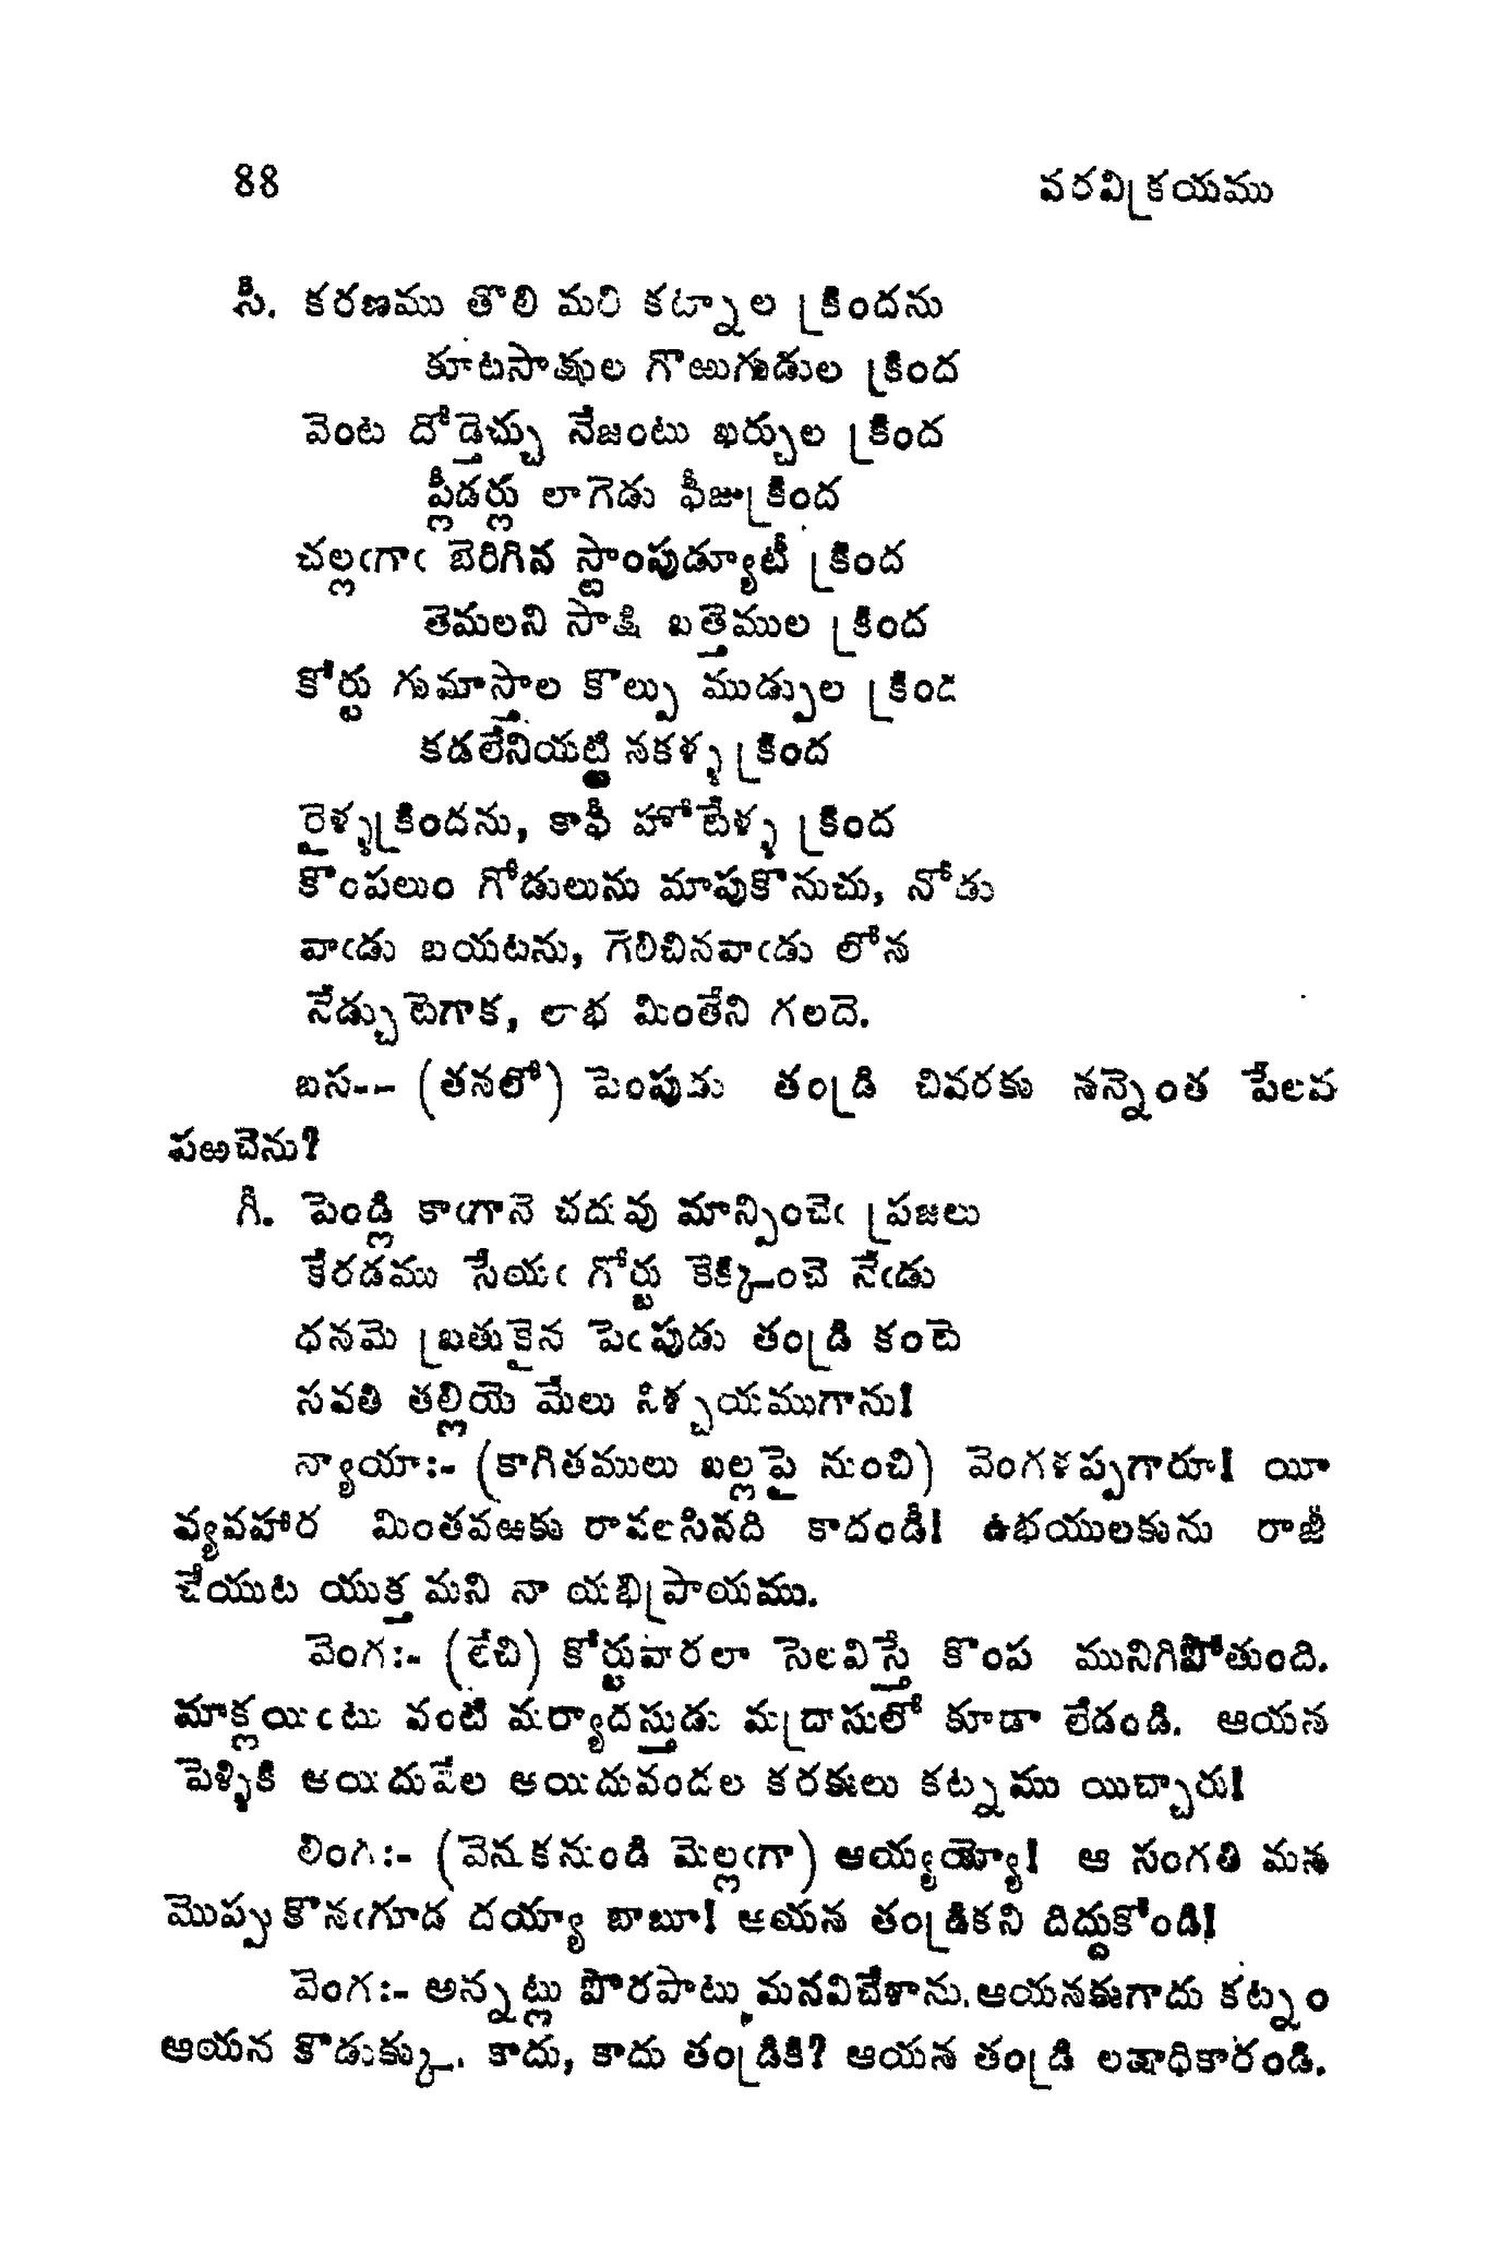సీ. కరణము తొలి మలి కట్నాల క్రిందను
 కూటసాక్షుల గొఱుగుడుల క్రింద
 వెంట దోడ్తెచ్చు నేజెంటు ఖర్చుల క్రింద
 ప్లీడర్లు లాగెడు ఫీజుక్రింద
 చల్లఁగాఁ బెరిగిన స్టాంపుడ్యూటీ క్రింద
 తెమలని సాక్షి బత్తెముల క్రింద
 కోర్టు గుమాస్తాల కొల్పు ముడ్పుల క్రింద
 కడలేనియట్టి నకళ్ళ క్రింద

 రైళ్ళక్రిందను, కాఫీ హొటేళ్ళ క్రింద
 కొంపలుం గోడులును మాపుకొనుచు, నోడు
 వాఁడు బయటను, గెలిచినవాఁడు లోన
 నేడ్చుటెగాక, లాభ మింతేని గలదె.
బస :- (తనలో) పెంపుడు తండ్రి చివరకు నన్నెంత పేలవపఱచెను?

గీ. పెండ్లి కాఁగానె చదువు మాన్పించెఁ ప్రజలు
 కేరడము సేయఁ గోర్టు కెక్కించె నేఁడు
 ధనమె బ్రతుకైన పెంపుడు తండ్రి కంటె
 సవతి తల్లియె మేలు నిశ్చయముగాను!
న్యాయా :- (కాగితములు బల్లపై నుంచి) వెంగళప్పగారూ! యీ వ్యవహార మింతవఱకు రావలసినది కాదండీ! ఉభయులకును రాజీ చేయుట యుక్తమని నా యభిప్రాయము.

వెంగ :- (లేచి) కోర్టువారలా సెలవిస్తే కొంప మునిగిపోతుంది. మాక్లయింటు వంటి మర్యాదస్తుడు మద్రాసులో కూడా లేడండి. ఆయన పెళ్ళికి అయిదువేల అయిదువందల కరుకులు కట్నము యిచ్చారు!

లింగ :- (వెనుకనుండి మెల్లఁగా) అయ్యయ్యో! ఆ సంగతి మన మొప్పుకొనఁగూడ దయ్యా బాబూ! ఆయన తండ్రికని దిద్దుకోండి!

వెంగ :- అన్నట్టు పొరపాటు మనవిచేసాను. ఆయనకుగాదు కట్నం ఆయన కొడుక్కు. కాదు, కాదు తండ్రికి! ఆయన తండ్రి లక్షాధికారండి.